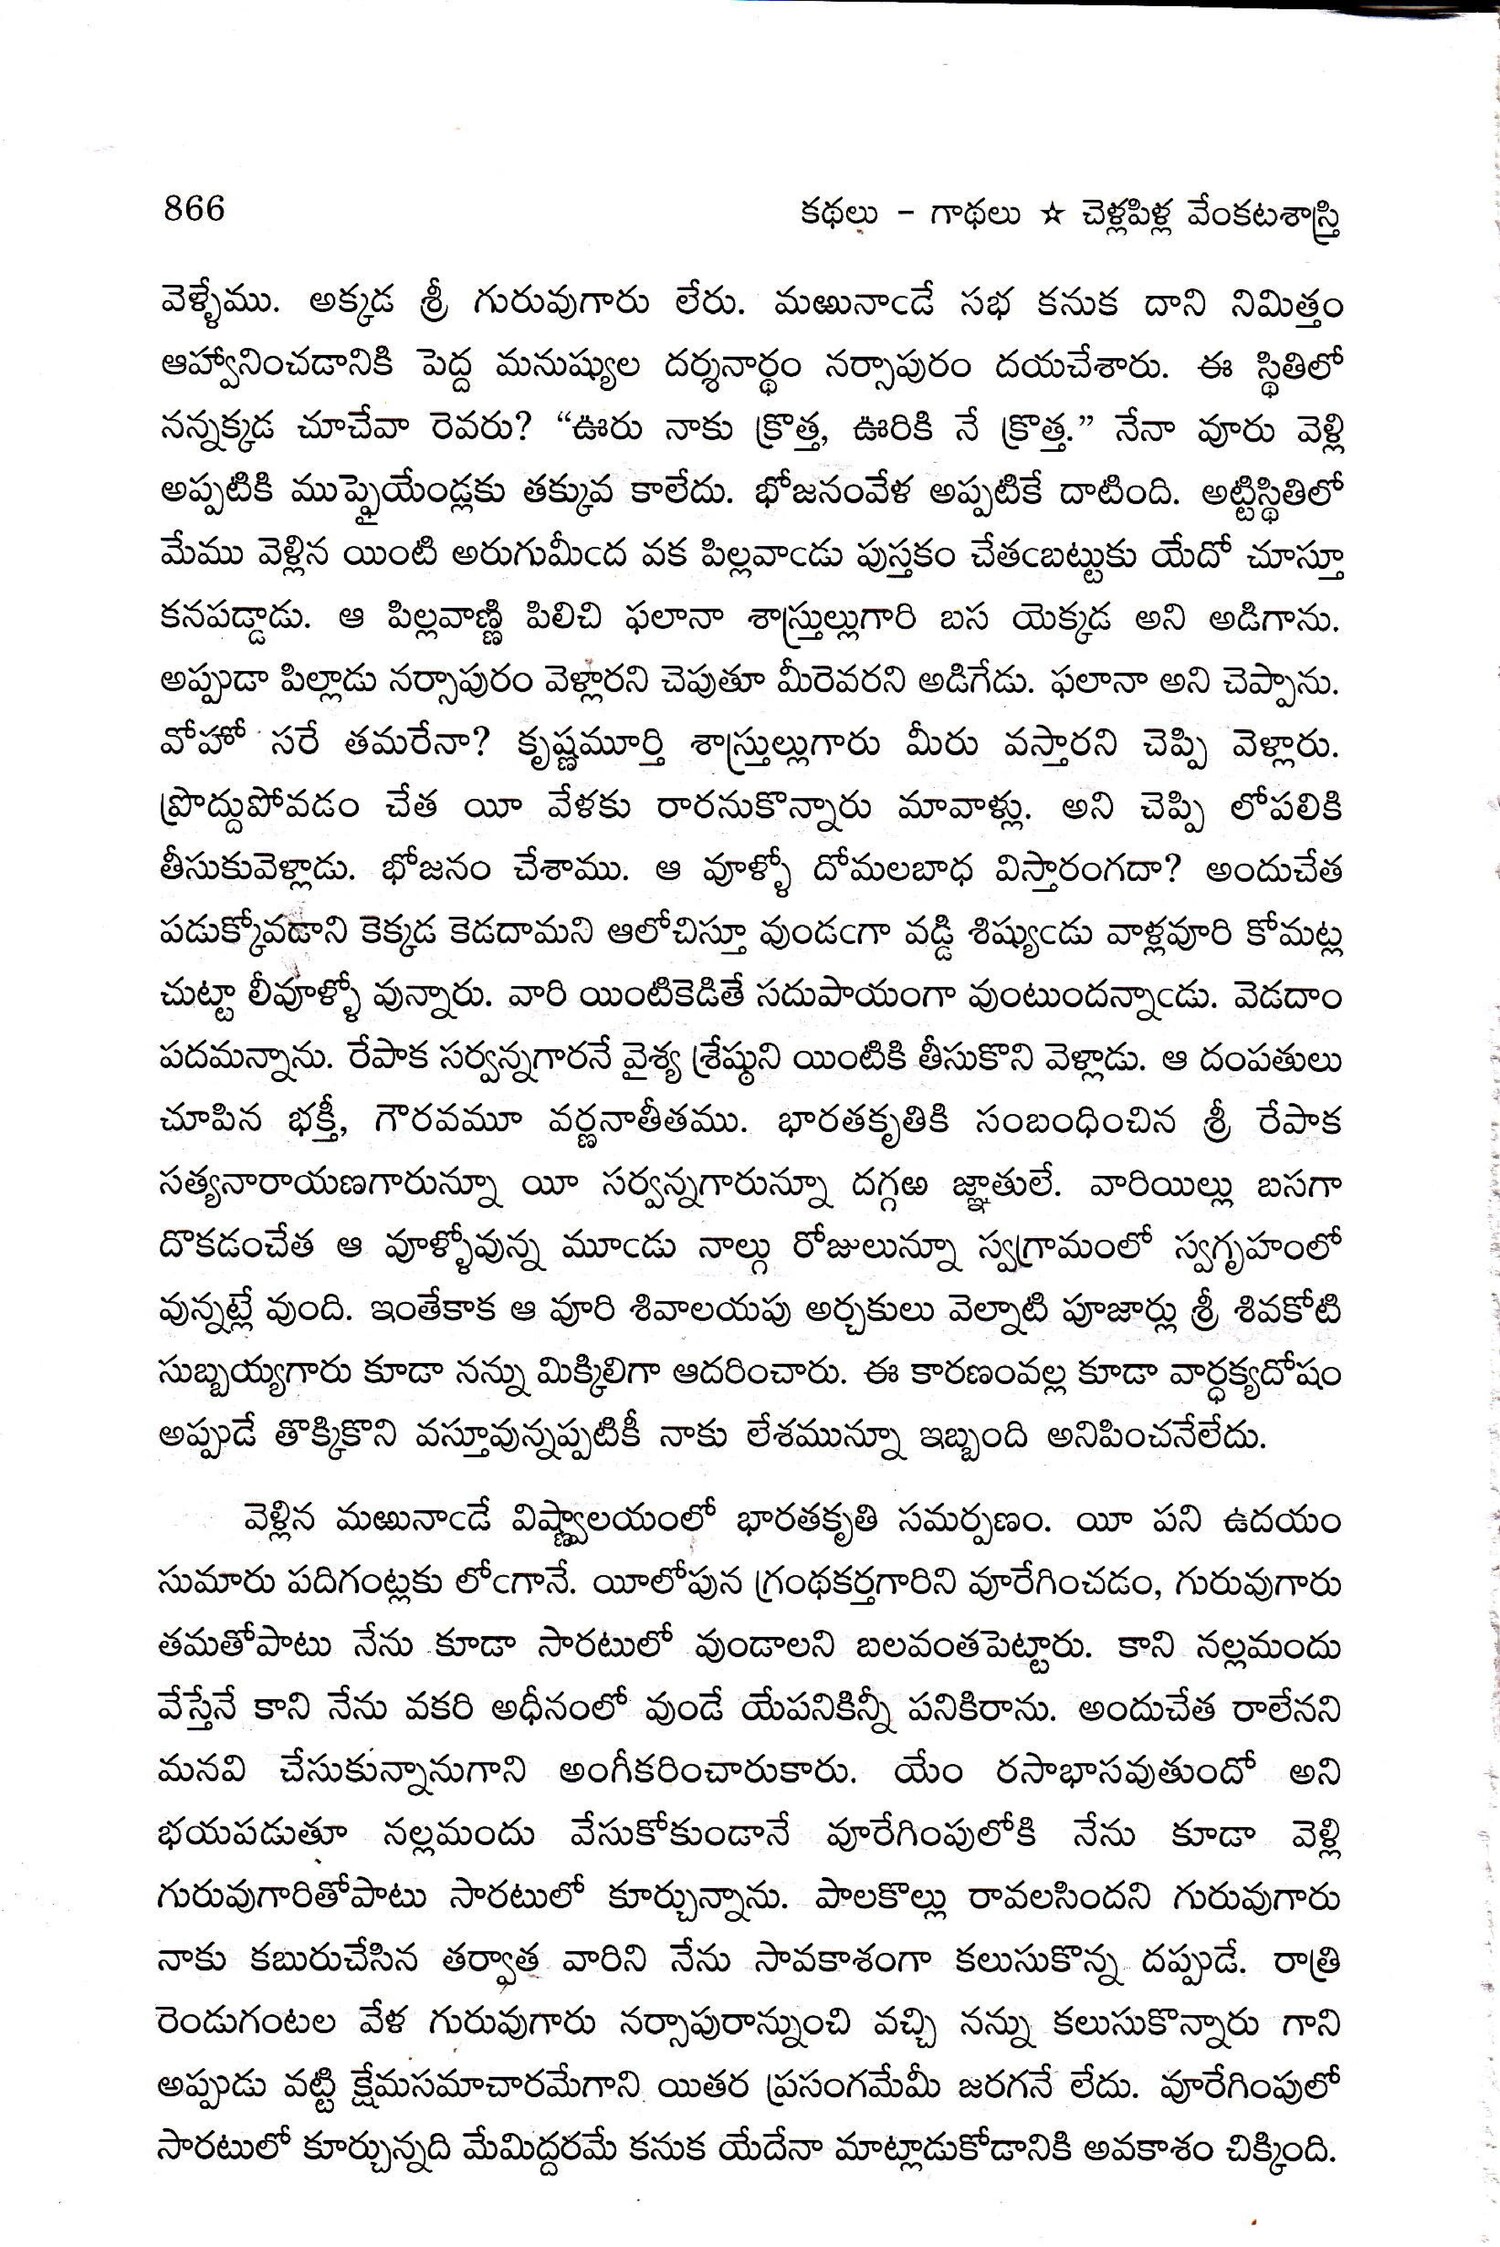వెళ్ళేము. అక్కడ శ్రీ గురువుగారు లేరు. మఱునాఁడే సభ కనుక దాని నిమిత్తం ఆహ్వానించడానికి పెద్ద మనుష్యుల దర్శనార్ధం నర్సాపురం దయచేశారు. ఈ స్థితిలో నన్నక్కడ చూచేవా రెవరు? “ఊరు నాకు క్రొత్త, ఊరికి నే క్రొత్త.” నేనా వూరు వెళ్లి అప్పటికి ముప్పైయేండ్లకు తక్కువ కాలేదు. భోజనంవేళ అప్పటికే దాటింది. అట్టిస్థితిలో మేము వెళ్లిన యింటి అరుగుమీఁద వక పిల్లవాఁడు పుస్తకం చేతఁబట్టుకు యేదో చూస్తూ కనపడ్డాడు. ఆ పిల్లవాణ్ణి పిలిచి ఫలానా శాస్త్రుల్లుగారి బస యెక్కడ అని అడిగాను. అప్పుడా పిల్లాడు నర్సాపురం వెళ్లారని చెపుతూ మీరెవరని అడిగేడు. ఫలానా అని చెప్పాను. వోహో సరే తమరేనా? కృష్ణమూర్తి శాస్త్రుల్లుగారు మీరు వస్తారని చెప్పి వెళ్లారు. ప్రొద్దుపోవడం చేత యీ వేళకు రారనుకొన్నారు మావాళ్లు. అని చెప్పి లోపలికి తీసుకువెళ్లాడు. భోజనం చేశాము. ఆ వూళ్ళో దోమలబాధ విస్తారంగదా? అందుచేత పడుక్కోవడాని కెక్కడ కెడదామని ఆలోచిస్తూ వుండంగా వడ్డి శిష్యుఁడు వాళ్లవూరి కోమట్ల చుట్టా లీవూళ్ళో వున్నారు. వారి యింటికెడితే సదుపాయంగా వుంటుందన్నాఁడు. వెడదాం పదమన్నాను. రేపాక సర్వన్నగారనే వైశ్య శ్రేష్ఠుని యింటికి తీసుకొని వెళ్లాడు. ఆ దంపతులు చూపిన భక్తీ, గౌరవమూ వర్ణనాతీతము. భారతకృతికి సంబంధించిన శ్రీ రేపాక సత్యనారాయణగారున్నూ యీ సర్వన్నగారున్నూ దగ్గఱ జ్ఞాతులే. వారియిల్లు బసగా దొరకడంచేత ఆ వూళ్ళోవున్న మూఁడు నాల్గు రోజులున్నూ స్వగ్రామంలో స్వగృహంలో వున్నట్లే వుంది. ఇంతేకాక ఆ వూరి శివాలయపు అర్చకులు వెల్నాటి పూజార్లు శ్రీ శివకోటి సుబ్బయ్యగారు కూడా నన్ను మిక్కిలిగా ఆదరించారు. ఈ కారణంవల్ల కూడా వార్ధక్యదోషం అప్పుడే తొక్కికొని వస్తూవున్నప్పటికీ నాకు లేశమున్నూ ఇబ్బంది అనిపించనేలేదు.

వెళ్లిన మఱునాఁడే విష్ణ్వాలయంలో భారతకృతి సమర్పణం. యీ పని ఉదయం సుమారు పదిగంట్లకు లోఁగానే. యీలోపున గ్రంథకర్తగారిని వూరేగించడం, గురువుగారు తమతోపాటు నేను కూడా సారటులో వుండాలని బలవంతపెట్టారు. కాని నల్లమందు వేస్తేనే కాని నేను వకరి అధీనంలో వుండే యేపనికిన్నీ పనికిరాను. అందుచేత రాలేనని మనవి చేసుకున్నానుగాని అంగీకరించారుకారు. యేం రసాభాసవుతుందో అని భయపడుతూ నల్లమందు వేసుకోకుండానే వూరేగింపులోకి నేను కూడా వెళ్లి గురువుగారితోపాటు సారటులో కూర్చున్నాను. పాలకొల్లు రావలసిందని గురువుగారు నాకు కబురుచేసిన తర్వాత వారిని నేను సావకాశంగా కలుసుకొన్న దప్పుడే. రాత్రి రెండుగంటల వేళ గురువుగారు నర్సాపురాన్నుంచి వచ్చి నన్ను కలుసుకొన్నారు గాని అప్పుడు వట్టి క్షేమసమాచారమేగాని యితర ప్రసంగమేమీ జరగనే లేదు. వూరేగింపులో సారటులో కూర్చున్నది మేమిద్దరమే కనుక యేదేనా మాట్లాడుకోడానికి అవకాశం చిక్కింది.